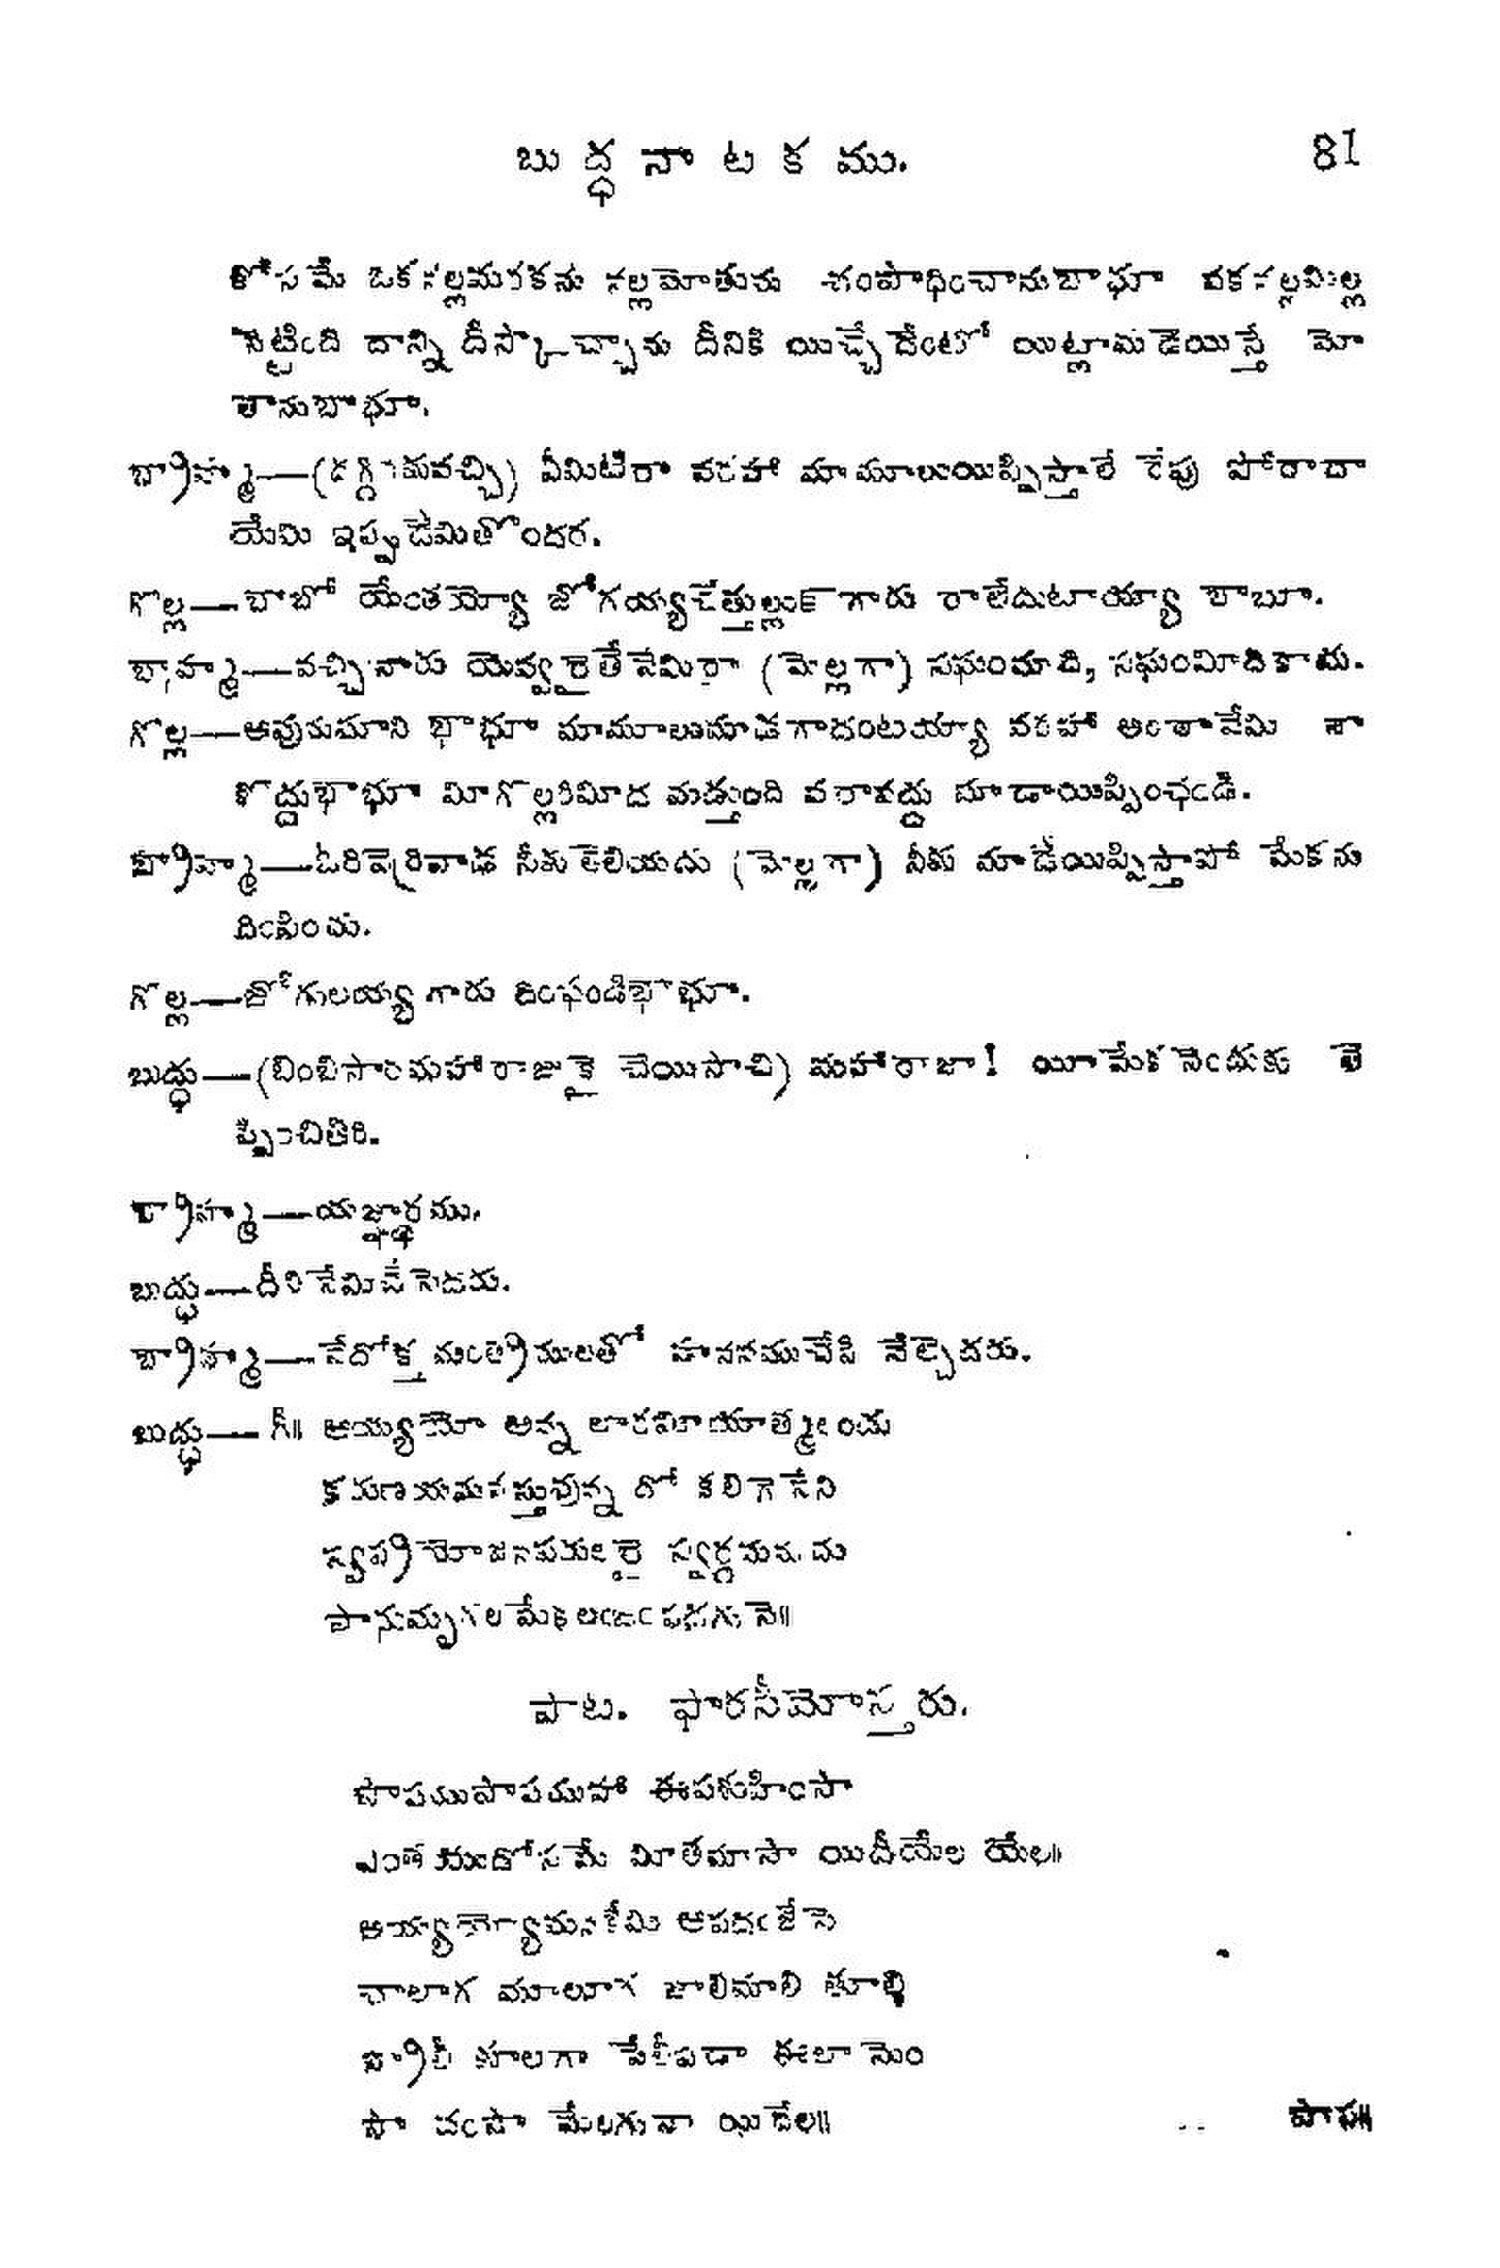కోసమే ఒక నల్లమరకను నల్లమోతుకు చంపాధించానుబాఘా చకనల్లమిల్ల పెట్టిఁది దాన్ని దీస్కొచ్చారు దీనికి యిచ్చేదేంటో 
యిట్లామెడెయిస్తే మోతానుబాభూ.

బ్రాహ్మ — (దగ్గరకువచ్చి) ఏమిటిగా వరహా మామూలు యిప్పిస్తాలే రేపు పోరాదా యేమి ఇప్పుడేమితొందర.

గొల్ల — బాబో యేంతయ్యో జోగయ్యచేత్తుల్లు౯ గారు రాలేదుటాయ్యా బాబూ.

బాహ్మ — వచ్చినారు యెవ్వరైతేనేమిరా (మెల్లగా) సఘంమాది, సఘంమీదికాదు.

గొల్ల — అవునుమాని భాభూ మామూలుమాడగాదంటయ్యా వరహా అంటానేమి నా కొద్దుభాభూ మిగొల్లరిమీద మడ్తుంది వరావద్దు 
మాడాయిప్పించండి.

బ్రాహ్మ — ఓరివెర్రివాడ సీకు తెలియదు (మెల్లగా) నీకు మాడాయిప్పిస్తాపో మేకను దింపించు.

గొల్ల — జోగులయ్య గారు దింఫండిభాభూ.

బుద్ధు — (బింబిసారమహారాజుకై చేయిసాచి) మహారాజా! యీమేక నెందుకు తెప్పించితిరి. 

బ్రాహ్మ - యజ్ఞార్థము.

బుద్దు - దీనినేమిచేసెదరు.

బ్రాహ్మ — నేదోక్త మంత్రములతో హననముచేసి నేల్చెదరు.

బుద్ధు — గీ॥ అయ్యయో అన్న లారణయాత్మఁంచు
కరుణయమవస్తువున్న దో కలిగెనేని
స్యప్రయోజనపరులై స్వర్గమనుచు 
సాధుమృగలమేకలంజంపదగునె  

పాపముపాపముహా ఈపశుహింసా
ఎండయందోసమే మీ తమాసా యిదీయేల యేల 
అయ్యయ్యోమనకేమి ఆపదఁజేసె
చాలాగ మూలూగ జాలిమాలితూలి 
వ్రాలి కూలగా పేలీపడా ఈలా మెం 
సాదు చంపా మేలగునా యిదేల॥పాప॥